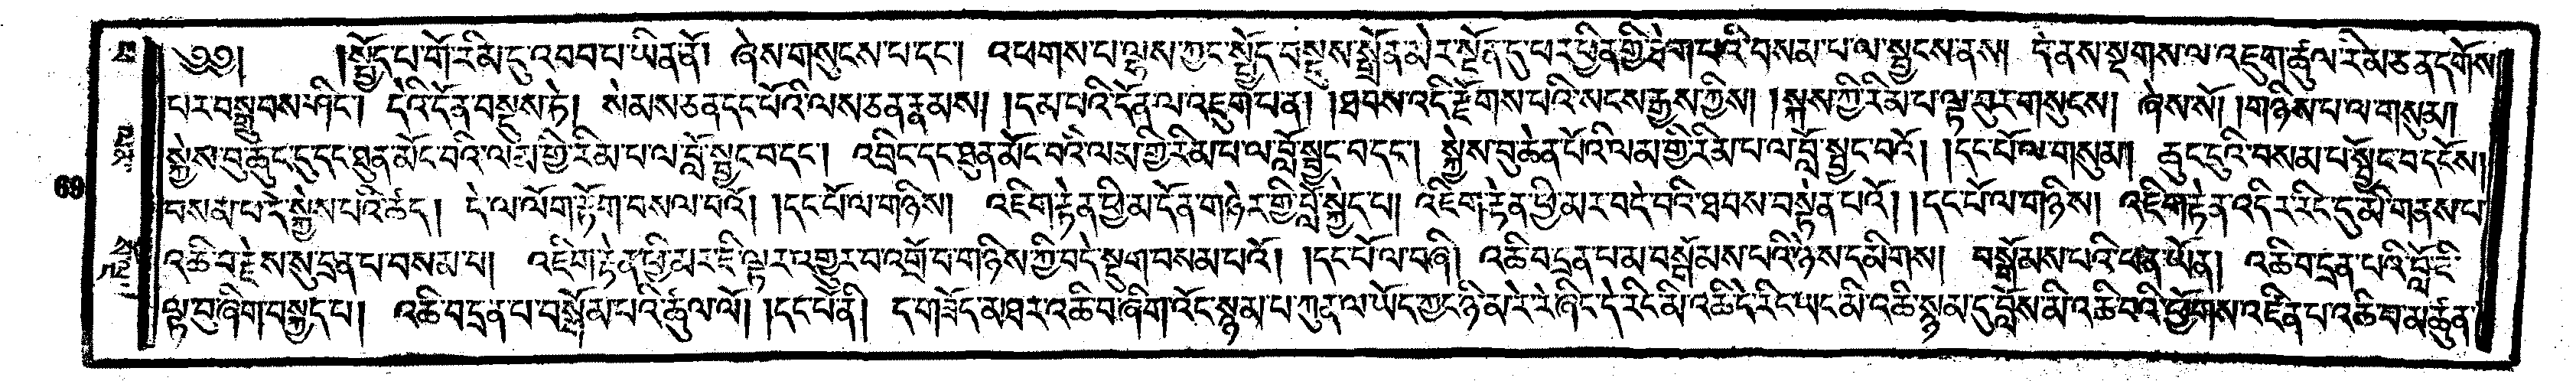༄༅། །སྤྱོང་པ་གོ་རིམ་དུ་འབབ་པ་ཡིན་ནོ། ཞེས་གསུངས་པ་དང་། འཕགས་པ་ལྷས་ཀྱང་སྤྱོད་བསྡུས་སྒྲོན་མེར་སྔོན་དུ་ཕར་ཕྱིན་གྱི་ཐེག་པའི་བསམ་པ་ལ་སྦྱངས་ནས། དེ་ནས་སྔགས་ལ་འཇུག་ཚུལ་རིམ་ཅན་དགོས་
པར་བསྒྲུབས་ཤིང་། དེའི་དོན་བསྡུས་ཏེ། སེམས་ཅན་དང་པོའི་ལས་ཅན་རྣམས། །དམ་པའི་དོན་ལ་འཇུག་པ་ན། །ཐབས་འདི་རྫོགས་པའི་སངས་རྒྱས་ཀྱིས། །སྐས་ཀྱི་རིམ་པ་ལྟ་བུར་གསུངས། ཞེས་སོ། །གཉིས་པ་ལ་གསུམ།
སྐྱེས་བུ་ཆུང་དུ་དང་ཐུན་མོང་བའི་ལམ་གྱི་རིམ་པ་ལ་བློ་སྦྱང་བ་དང་། འབྲིང་དང་ཐུན་མོང་བའི་ལམ་གྱི་རིམ་པ་ལ་བློ་སྦྱང་བ་དང་། སྐྱེས་བུ་ཆེན་པོའི་ལམ་གྱི་རིམ་པ་ལ་བློ་སྦྱང་བའོ། །དང་པོ་ལ་གསུམ། ཆུང་དུའི་བསམ་པ་སྦྱོང་བ་དངོས་
བསམ་པ་དེ་སྐྱེས་པའི་ཚད། དེ་ལ་ལོག་རྟོག་བསལ་བའོ། །དང་པོ་ལ་གཉིས། འཇིག་རྟེན་ཕྱི་མ་དོན་གཉེར་གྱི་བློ་སྐྱོང་པ། འཇིག་རྟེན་ཕྱི་མར་བདེ་བའི་ཐབས་བསྟེན་པའོ། །དང་པོ་ལ་གཉིས། འཇིག་རྟེན་འདིར་རིང་དུ་མི་གནས་པ་
འཆི་བ་རྗེས་སུ་དྲན་པ་བསམ་པ། འཇིག་རྟེན་ཕྱི་མར་ཇི་ལྟར་འགྱུར་བ་འགྲོ་བ་གཉིས་ཀྱི་བདེ་སྡུག་བསམ་པའོ། །དང་པོ་ལ་བཞི། འཆི་བ་དྲན་པ་མ་བསྒོམས་པའི་ཉེས་དམིགས། བསྒོམས་པའི་ཕན་ཡོན། འཆི་བ་དྲན་པའི་བློ་ཇི་
ལྟ་བུ་ཞིག་བསྐྱད་པ། འཆི་བ་དྲ་ན་པ་བསྒོམ་པའི་ཚུལ་ལོ། །དང་པོ་ནི། ད་གཟོད་མཐར་འཆི་བ་ཞིག་འོང་སྙམ་པ་ཀུན་ལ་ཡོད་ཀྱང་ཉི་མ་རེ་རེ་ཞིང་དེ་རིང་མི་འཆི་དེ་རིང་ཡང་མི་འཆི་སྙམ་དུ་བློས་མི་འཆི་བའི་ཕྱོགས་འཛིན་པ་འཆི་བ་མ་ཚུན་